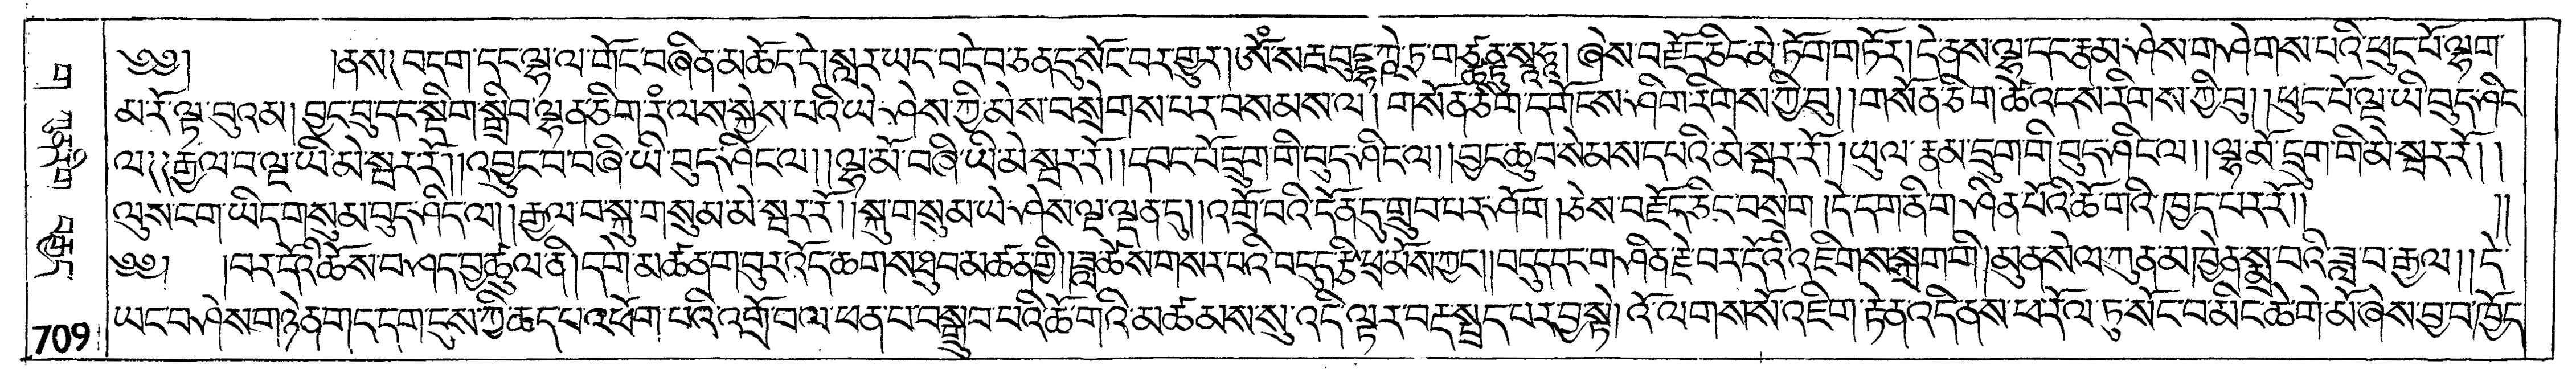༄༅། །ནས། བདག་དང་ལྷ་ལ་གོང་བཞིན་མཆོད་དེ། སླར་ཡང་བདེ་བ་ཅན་དུ་སོང་བར་གྱུར། ཨོཾ་སརྦ་བུདྡྷ་ཀྵེ་ཏྲ་གཙྪནྟུ་སྭཱཧཱ། ཞེས་བརྗོད་ཅིང་མེ་ཏོག་གཏོར། དེ་ནས་ལྷ་དང་རྣམ་ཤེས་གཤེགས་པའི་ཕུང་པོ་ལྷག་
མ་རོ་ལྟ་བུའམ། བྱང་བུ་དང་སྡིག་སྒྲིབ་ལྷན་ཅིག་རཾ་ལས་སྐྱེས་པའི་ཡེ་ཤེས་ཀྱི་མེས་བསྲེགས་པར་བསམས་ལ། གསོན་ཅིག་དགོངས་ཤིག་རིགས་ཀྱི་བུ། །གསོན་ཅིག་ཚེ་འདས་རིགས་ཀྱི་བུ། །ཕུང་པོ་ལྔ་ཡི་བུད་ཤིང་
ལ། །རྒྱལ་བ་ལྔ་ཡི་མེ་སྦར་རོ། །འབྱུང་བ་བཞི་ཡི་བུད་ཤིང་ལ། །ལྷ་མོ་བཞི་ཡི་མེ་སྦར་རོ། །དབང་པོ་དྲུག་གི་བུད་ཤིང་ལ། །བྱང་ཆུབ་སེམས་དཔའི་མེ་སྦར་རོ། །ཡུལ་རྣམ་དྲུག་གི་བུད་ཤིང་ལ། །ལྷ་མོ་དྲུག་གི་མེ་སྦར་རོ། །
ལུས་ངག་ཡིད་གསུམ་བུད་ཤིད་ལ། །རྒྱལ་བ་སྐུ་གསུམ་མེ་སྦར་རོ། །སྐུ་གསུམ་ཡེ་ཤེས་ལྔ་ལྡན་དུ། །འགྲོ་བའི་དོན་དུ་གྲུབ་པར་ཤོག །ཅེས་བརྗོད་ཅིང་བསྲེག །དེ་དག་ནི་གཤིན་པོའི་ཆོ་གའི་ཁྱད་པར་རོ།། །།
༄༅། །བར་དོའི་ཆོས་བཤད་བྱ་ཚུལ་ནི། དགེ་མཚན་ག་བུར་འོད་ཆགས་ཐུབ་མཚན་གྱི། །ཟླ་ཚེས་གསར་པའི་བདུད་རྩི་ཕྲ་མོས་ཀྱང་། །བདུད་དང་གཤིན་རྗེ་བར་དོའི་འཇིགས་སྐྲག་གི །མུན་སེལ་ཀུན་མཁྱེན་སྨྲ་བའི་ཟླ་བ་རྒྱལ། །དེ་
ཡང་བཤེས་གཉེན་གང་དག་དུས་ཀྱི་ཆད་པ་འཕོག་པའི་འགྲོ་བ་ལ་ཕན་པ་བསྒྲུབ་པའི་ཆོ་གའི་མཚམས་སུ་འདི་ལྟར་བརྡ་སྤྲད་པར་བྱ་སྟེ། འོ་ལགས་སོ་འཇིག་རྟེན་འདི་ནས་ཕ་རོལ་ཏུ་སོང་བ་མིང་ཆེ་གེ་མོ་ཞེས་བྱ་བ་ཁྱོད་